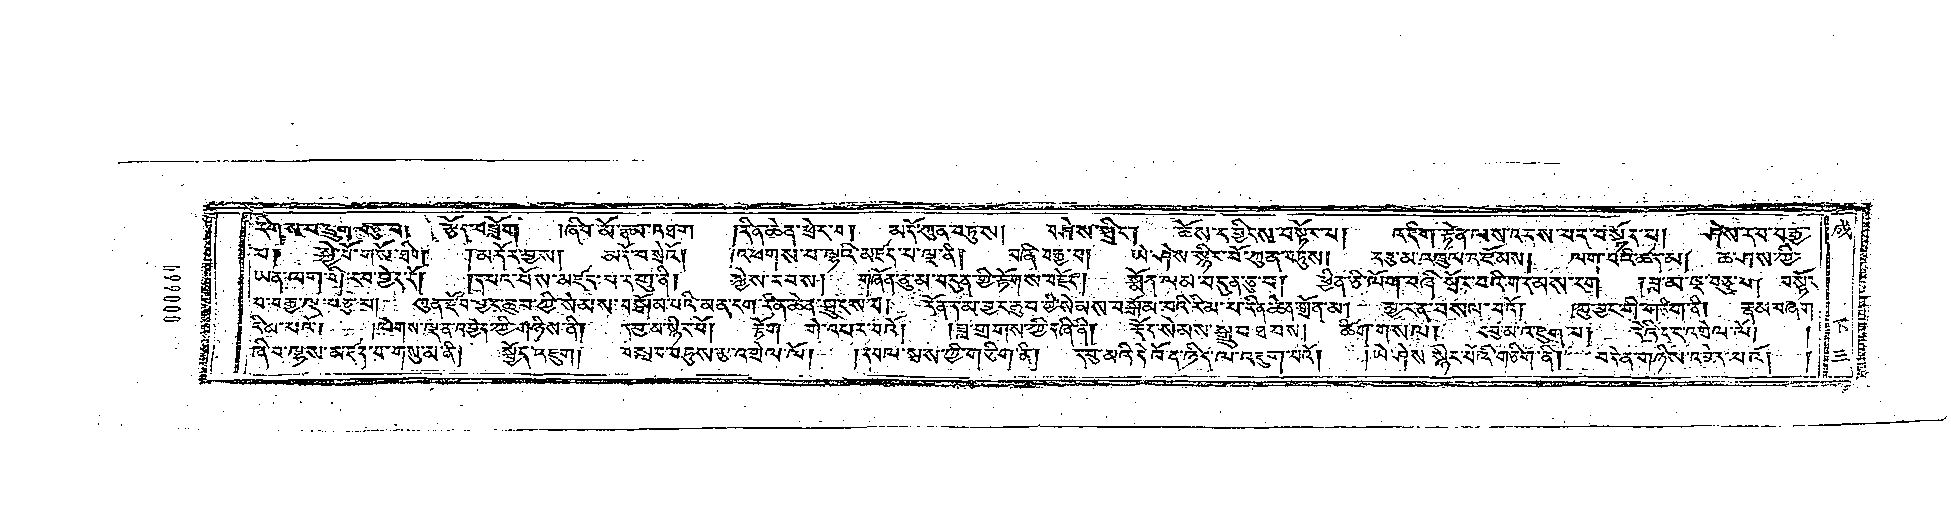རིགས་པ་དྲུག་བཅུ་པ། རྩོད་བཟློག །ཞིབ་མོ་རྣམ་འཐག །རིན་ཆེན་ཕྲེང་བ། མདོ་ཀུན་བཏུས། བཤེས་སྦྲིང་། ཆོས་དབྱིངས་བསྟོད་པ། འཇིག་རྟེན་ལས་འདས་པར་བསྟོད་པ། ཤེས་རབ་བརྒྱ་
པ། སྐྱེ་བོ་གསོ་ཐིབ། །མདོར་བྱས། མདོ་བསྲེའོ། །འཕགས་པ་ལྷའི་མཛད་པ་ལྔ་ནི། བཞི་བརྒྱ་པ། ཡེ་ཤེས་སྙིང་པོ་ཀུན་བཏུས། དབུ་མ་འཁྲུལ་འཇོམས། ལག་པའི་ཚད་མ། ཆ་ཤས་ཀྱི་
ཡན་ལག་གི་རབ་བྱེད་རོ། །དཔའ་བོས་མཛད་པ་དགུ་ནི། སྐྱེས་རབས། གཞོན་ནུ་མ་བདུན་གྱི་རྟོགས་བརྗོད། སྨོན་ལམ་བདུན་ཅུ་བ། ཕྱིན་ཅི་ལོག་བཞི་སྤོང་བའི་གདམས་ངག །བླ་མ་ལྔ་བཅུ་པ། བསྟོང་
བ་བརྒྱ་ལྔ་བཅུ་པ། ཀུན་རྫོབ་བྱང་ཆུབ་ཀྱི་སེམས་བསྒོམ་པའི་མན་ངག་རིན་ཆེན་སྦུངས་པ། དོན་དམ་བྱང་ཆུབ་ཀྱི་སེམས་བསྒོམ་བའི་རིམ་པ་རིན་ཆེན་སྒྲོན་མ། མྱ་ངན་བསལ་བའོ། །ཀླུ་བྱང་གི་གཅིག་ནི། རྣམ་བཞག་
རིམ་པའོ། །ལེགས་ལྡན་འབྱེད་ཀྱི་གཉིས་ནི། དབུ་མ་སྙིང་བའོ། རྟོག་གེ་འྤར་པའོ། །ཟླ་གྲགས་ཀྱི་བཞི་ནི། རྡོར་སེམས་སྒྲུབ་ཐབས། ཚིག་གསལ། དབུ་མ་འཇུག་པ། དེའི་དང་འགྲེལ་ལོ། །
ཞིབ་ལྷས་མཛད་པ་གསུམ་ནི། སྤྱོད་འཇུག། བསླབ་བཏུས་རྩ་འགྲེལ་ལོ། །དཔལ་སྦས་ཀྱི་གཅིག་ནི། དབུ་མའི་དེ་ཁོ་ན་ཉིད་ལ་འཇུག་པའོ། །ཡེ་ཤེས་སྙིང་པོའི་གཅིག་ནི། བདེན་གཉིས་འབྱེད་པའོ། །